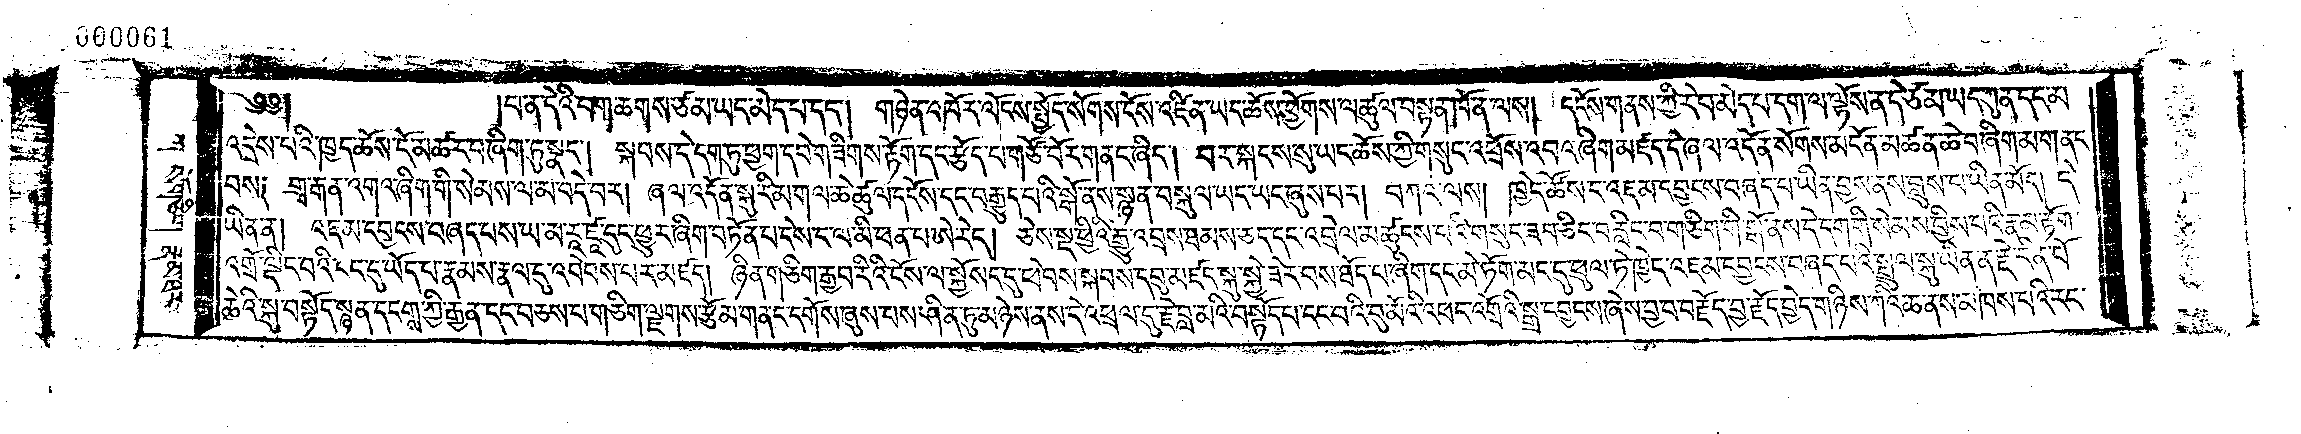༄༅། །པ་ན་དེའི་བག་ཆགས་ཙམ་ཡང་མེད་པ་དང་། གཉེན་འཁོར་ལོངས་སྤྱོད་སོགས་ངོས་འཛིན་ཡང་ཆོས་ཕྱོགས་ལ་ཚུལ་བསྟན་ཁོ་ན་ལས། དངོས་གནས་ཀྱི་རེ་བ་མེད་པ་དག་ལ་ལྟོས་ནས་དེ་ཙམ་ཡང་ཀུན་དང་མ་
འདྲེས་པའི་ཁྱད་ཆོས་ངོ་མཚར་བ་ཞིག་ཏུ་སྣང་། སྐབས་དེ་དག་ཏུ་ཕྱག་དཔེ་གཟིགས་རྟོག་དང་རྩོད་པ་གཙོ་བོར་གནང་ཞིང་། བར་སྐབས་སུ་ཡང་ཆོས་ཀྱི་གསུང་འཕྲོས་འབའ་ཞིག་མཛད་དེ་ཞལ་འདོན་སོགས་མངོན་མཚན་ཆེ་བ་ཞིག་མ་གནང་
བས༑ གྲྭ་རྒན་འགའ་ཞིག་གི་སེམས་ལ་མ་བདེ་བར། ཞལ་འདོན་སྐུ་རིམ་གལ་ཆེ་ཚུལ་དངོས་དང་བརྒྱུད་པའི་སྒོ་ནས་སྙན་བསྐུལ་ཡང་ཡང་ཞུས་པར། བཀའ་ལས། ཁྱེད་ཚོས་ང་འཇམ་དབྱངས་བཞད་པ་ཡིན་བྱས་ནས་བླུས་པ་ཡིན་མོད། དེ་
ཡིན་ན། འཇམ་དབྱངས་བཞད་པས་ཡ་མ་རཱ་ཛཱ་དུང་ཕྱུར་ཞིག་བཏོན་པ་ངེས་ང་ལ་མི་ཕན་པ་ཨེ་རེད། ཅེས་སྔ་ཕྱིའི་རྒྱུ་འབྲས་ཐམས་ཅད་དང་འབྲེལ་མཚུངས་པའི་གསུང་ཟབ་ཅིང་བརླིང་བ་གཅིག་གི་སྒོ་ནས་དེ་དག་གི་སེམས་བྱིས་པའི་རྣམ་རྟོག་
འགྲོ་ལྡིང་བའི་དང་དུ་ཡོད་པ་རྣམས་རྣལ་དུ་འབེབས་པར་མཛད། ཉིན་གཅིག་རྒྱབ་རིའི་ངོས་ལ་སྐྱོ་སང་དུ་ཕེབས་སྐབས་དབུ་མཛད་སྐུ་སྐྱེ་ཟེར་བས་ཐོད་པ་ཞིག་དང་མེ་ཏོག་མང་དུ་ཕུལ་ཏེ་ཁྱེད་འཇམ་དབྱངས་བཞད་པའི་སྤྲུལ་སྐུ་ཡིན་ན་རྗེ་རིན་པོ་
ཆེའི་སྐུ་བསྟོད་སྙན་དང་གས་ཀྱི་རྒྱན་དང་བཅས་པ་གཅིག་ལྗགས་རྩོམ་གནང་དགོས་ཞུས་པས་ཤིན་ཏུ་མཉེས་ནས་དེ་འཕྲལ་དུ་རྗེ་བླ་མའི་བསྟོད་པ་དང་བའི་བུ་མོའི་འཕང་འགྲོའི་སྒྲ་དབྱངས་ཞེས་བྱ་བ་བརྗོད་བྱ་བ་བརྗོད་བྱེད་གཉིས་ཀའི་ཆ་ནས་མཁས་པའི་རང་